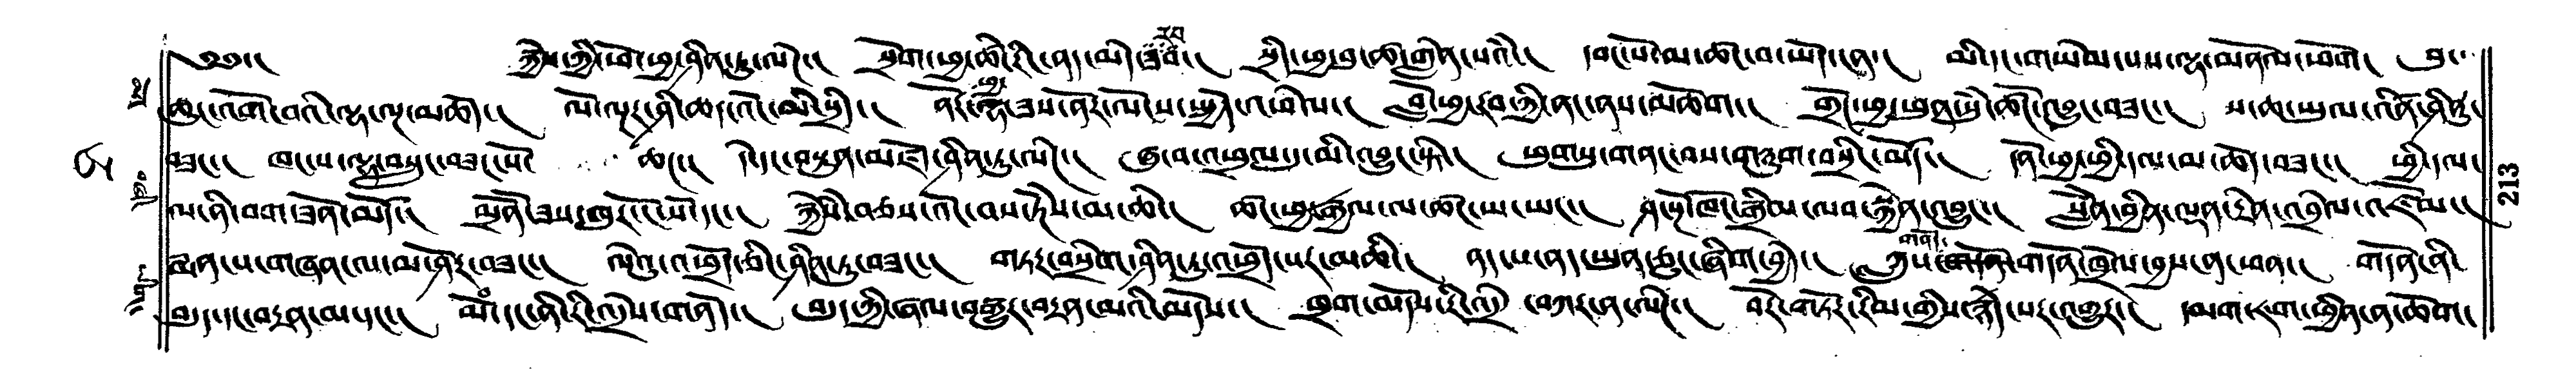སྐྱེས་ཀྱི་ཕོ་ཕྱྭ་ཤིན་ཏུ་ལེགས། །སྲོག་ཕྱྭཚེ་རིང་ནད་མེད་རབ། །སྲིད་ཕྱྭ་བུ་ཚ་གླེན་པའམ། །དབང་པོ་མ་ཚང་བ་ཡོད་ངན། །མི་དང་གཡེམ་པས་ལྷ་མནོལ་ཕོག །བུ་
ཆུང་འགོ་བའི་ལྷ་ལྔ་མཆོད། །ལོ་ལྔར་ཤི་ཆད་འོང་མི་སྲིད། །ནོར་ཕྱ་ཟས་ནོར་ལོངས་སྤྱོད་འཕེལ། །བློ་ཕྱྭ་རབ་ཀྱི་ནང་ནས་མཆོག གྲོགས་ཕྱ་ཕུན་སུམ་ཚོགས་འབྱུང་བཟང་། །ས་ཕྱྭ་ཡུལ་འཛིན་ཤིན་ཏུ་
བཟང་། །ཁང་པ་ལྷ་སྲུང་བཟང་པོ་ཆགས། །དེ་དང་སྟུན་མཛོདཤིན་ཏུ་ལེགས། །ཞུ་བ་འཕྲལ་དུ་མི་འབྱུང་སྟེ། །ཕུགས་སུ་གནང་བས་གཉུག་སྲིང་མཛོད། །དོན་ཕྱ་ཕྱི་དལ་མ་མཆོད་བཟང་། །ཕྱི་དལ་
ལ་ནི་བག་ཟོན་མཛོད། །མགྲོན་པོ་ཟས་ཁུར་ངོ་སོ་དང་། །སྐྱེམས་བཅས་འོང་བས་རྔམས་མ་ཆེ། །ཚོང་ཕྱྭ་རྒྱལ་ལ་ཚོང་ཡ་ཡང་། །ཤ་སྔོ་ཁོང་སྒྲིལ་ལབ་སྐྱེན་འབྱུང་། །སློབ་དཔོན་བྱིན་ལྡན་རྟེན་འབྲེལ་འཛོམས། །
སྨན་པ་གཞན་ལ་མ་ཤོར་བཟང་། །ལེའུ་འཕྲོད་ཅིང་ཤིན་ཏུ་བཟང་། །གཏར་སྲེག་ཤིན་ཏུ་འཕྲོད་པར་མཆི། །ནད་པ་ནད་ཡུན་ཅུང་ཞིག་བྱེད། །ཀླུས་གནོད་གདོན་ཁྲོལ་བྱས་ན་ཕན། །གདོན་ནི་
བདུད་དང་བརྟན་མ་དང་། །མ་མོ་དང་ནི་རི་འདྲེས་གནོད། །བདུད་ཀྱི་ཞལ་བསྒྱུར་བརྟན་མའི་མདོས། །ཁྲག་མདོས་རི་འདྲེ་བཀར་ན་ལེགས། །བོར་གཏོར་རིམ་གྱིས་རྙེད་པར་འགྱུར། །དམག་ཇག་ཕྱིན་ན་ཆོག་